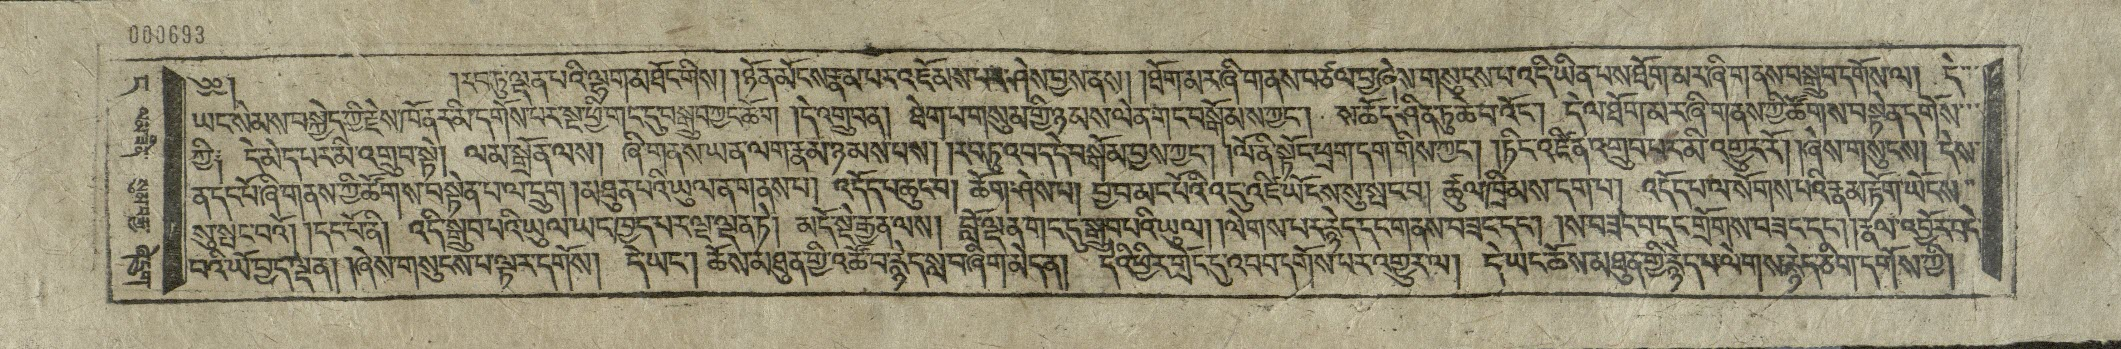༄༅། །རབ་ཏུ་ལྡན་པའི་ལྷག་མཐོང་གིས། །ཉོན་མོངས་རྣམ་པར་འཇོམས་པར་ཤེས་བྱས་ནས། །ཐོག་མར་ཞི་གནས་བཙལ་བྱ་ཞེས་གསུངས་པ་འདི་ཡིན་པས་ཐོག་མར་ཞི་གནས་བསྒྲུབ་དགོས་ལ། དེ་
ཡང་སེམས་བསྐྱེད་ཀྱི་རྗེས་ཁོ་ནར་མི་དགོས་པར་སྔ་ཕྱི་གང་དུ་བསྒྲུབ་ཀྱང་ཆོག །དེ་འགྲུབ་ན། ཐེག་པ་གསུམ་གྱི་ཉམས་ལེན་གང་བསྒོམས་ཀྱང་། ས་ཆོད་ཤིན་ཏུ་ཆེ་བ་འོང་། དེ་ལ་ཐོག་མར་ཞི་གནས་ཀྱི་ཚོགས་བསྟེན་དགོས་
ཀྱི༑ དེ་མེད་པར་མི་འགྲུབ་སྟེ། ལམ་སྒྲོན་ལས། ཞི་གནས་ཡན་ལག་རྣམ་ཉམས་པས། །རབ་ཏུ་འབད་དེ་བསྒོམ་བྱས་ཀྱང་། །ལོ་ནི་སྟོང་ཕྲག་དག་གིས་ཀྱང་། །ཏིང་འཛིན་འགྲུབ་པར་མི་འགྱུར་རོ། །ཞེས་གསུངས། དེས་
ན་དང་པོ་ཞི་གནས་ཀྱི་ཚོགས་བསྟེན་པ་ལ་དྲུག །མཐུན་པའི་ཡུལ་ན་གནས་པ། འདོད་པ་ཆུང་བ། ཆོག་ཤེས་པ། བྱ་བ་མང་པོའི་འདུ་འཛི་ཡོངས་སུ་སྤང་བ། ཚུལ་ཁྲིམས་དག་པ། འདོད་པ་ལ་སོགས་པའི་རྣམ་རྟོག་ཡོངས་
སུ་སྤང་བའོ། །དང་པོ་ནི། འདི་སྒྲུབ་པའི་ཡུལ་ཡང་ཁྱད་པར་ལྔ་ལྡན་ཏེ། མདོ་སྡེ་རྒྱན་ལས། བློ་ལྡན་གང་དུ་སྒྲུབ་པའི་ཡུལ། །ལེགས་པར་རྙེད་དང་གནས་བཟང་དང་། །ས་བཟང་བ་དང་གྲོགས་བཟང་དང་། །རྣལ་འབྱོར་བདེ་
བའི་ཡོ་བྱད་ལྡན། །ཞེས་གསུངས་པ་ལྟར་དགོས། དེ་ཡང་། ཆོས་མཐུན་གྱི་འཚོ་བ་རྙེད་སླ་བ་ཞིག་མེད་ན། དེའི་ཕྱིར་གྲོང་དུ་འབབ་དགོས་པར་འགྱུར་ལ། དེ་ཡང་ཆོས་མཐུན་གྱི་རྙེད་པ་ལེགས་རྙེད་ཅིག་དགོས་ཀྱི།